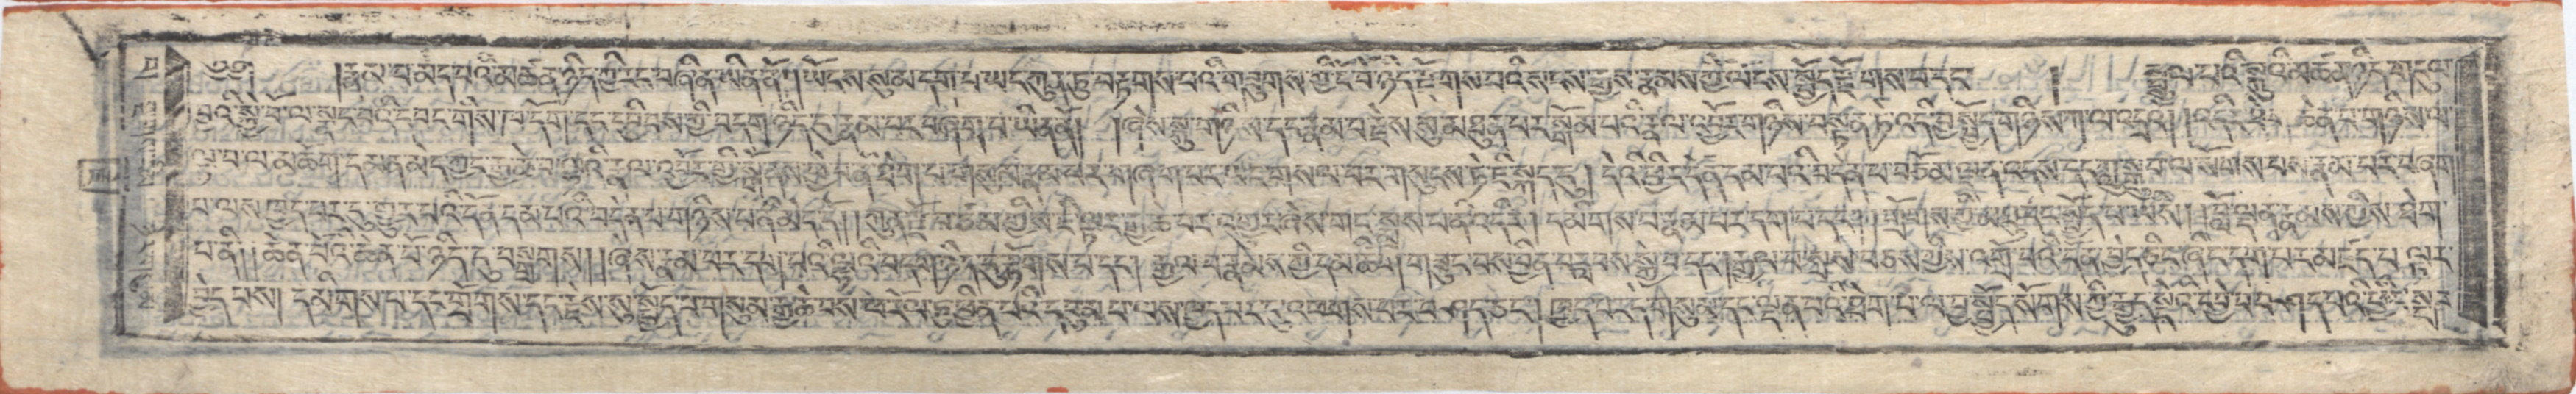༄༅། །རྣམ་པ་མེད་པའི་མཚན་ཉིད་ཀྱི་རང་བཞིན་ཡིན་ནོ། །ཡོངས་སུ་མ་དག་པ་ཡང་ཀུན་ཏུ་བརྟགས་པའི་གཟུགས་ཀྱི་ངོ་བོ་ཉིད་རྫོགས་པའི་སངས་རྒྱས་རྣམས་ཀྱི་ལོངས་སྤྱོད་རྫོགས་པ་དང་། སྤྲུལ་པའི་སྐུའི་མཚན་ཉིད་གདུལ་
བྱའི་སྐྱེ་བོ་ལ་སྣང་བའི་དབང་གིས་ཁ་དོག་དང་དབྱིབས་ཀྱི་བདག་ཉིད་དུ་རྣམ་པར་བཞག་པ་ཡིན་ནོ། །ཞེས་སྐུ་གཉིས་དང་རྣམ་པ་རྗེས་སུ་མཐུན་པར་སྒོམ་པའི་རྣལ་འབྱོར་གཉིས་བསྟན་ཏེ་འདི་བྱ་སྤྱོད་གཉིས་ཀ་ལ་འདྲའོ། །འདིར་ཐེག་ཆེན་པ་གཉིས་ལ་
ལྟ་བ་ལ་མཆོག་དམན་མེད་ཀྱང་རྒྱ་ཆེ་བ་ལྷའི་རྣལ་འབྱོར་གྱི་སྒོ་ནས་ཕྱེ་བ་ནི་ཐེག་པ་གསུམ་རྣམ་པར་གཞག་པར་ཡང་གསལ་བར་གསུངས་ཏེ་ཇི་སྐད་དུ། དེའི་ཕྱིར་དོན་དམ་པའི་བདེན་པ་བཅོམ་ལྡན་འདས་དང་ཀླུ་སྒྲུབ་ལ་སོགས་པས་རྣམ་པར་བཞག་
པ་ལས་ཁྱད་པར་དུ་གྱུར་པའི་དོན་དམ་པའི་བདེན་པ་གཉིས་པ་ནི་མེད་དོ། །ཀུན་རྫོབ་ཙམ་གྱིས་ཇི་ལྟར་རྒྱ་ཆེ་བར་འགྱུར་ཞེས་གང་སྨྲས་པ་ནི་འདིར། དམིགས་པ་རྣམ་པར་དག་པ་དང་། །གྲོགས་ཀྱི་མཐུ་དང་སྤྱོད་པ་ཡིས། །བློ་ལྡན་རྣམས་ཀྱིས་ཐེག་
པ་ནི། །ཆེན་པོའི་ཆེན་པོ་ཉིད་དུ་བསྒྲགས། །ཞེས་རྣམ་པར་དག་པའི་ལྷའི་བདག་ཉིད་དུ་རྟོགས་པ་དང་། རྒྱལ་བ་རྣམས་ཀྱི་དམ་ཚིག་གཟུང་བས་བྱིན་བརླབས་སྐྱེ་བ་དང་། རྒྱལ་བ་སྲས་བཅས་ཀྱིས་འགྲོ་བའི་དོན་བྱེད་ཅིང་ཞིང་དག་པར་མཛད་པ་ལྟར་
བྱེད་པས། དམིགས་པ་དང་གྲོགས་དང་རྗེས་སུ་སྤྱོད་པ་གསུམ་རྒྱ་ཆེ་བས་ཕ་རོལ་ཏུ་ཕྱིན་པའི་དབུ་མ་པ་ལས་ཁྱད་པར་དུ་འཕགས་པར་བཤད་ཅིང་། ཁྱད་པར་དེ་གསུམ་དང་ལྡན་པའི་ཐེག་པ་ལ་བྱ་སྤྱོད་སོགས་ཀྱི་རྒྱུད་སྡེའི་དབྱེ་བ་བཤད་པའི་ཕྱིར་སྡགས་